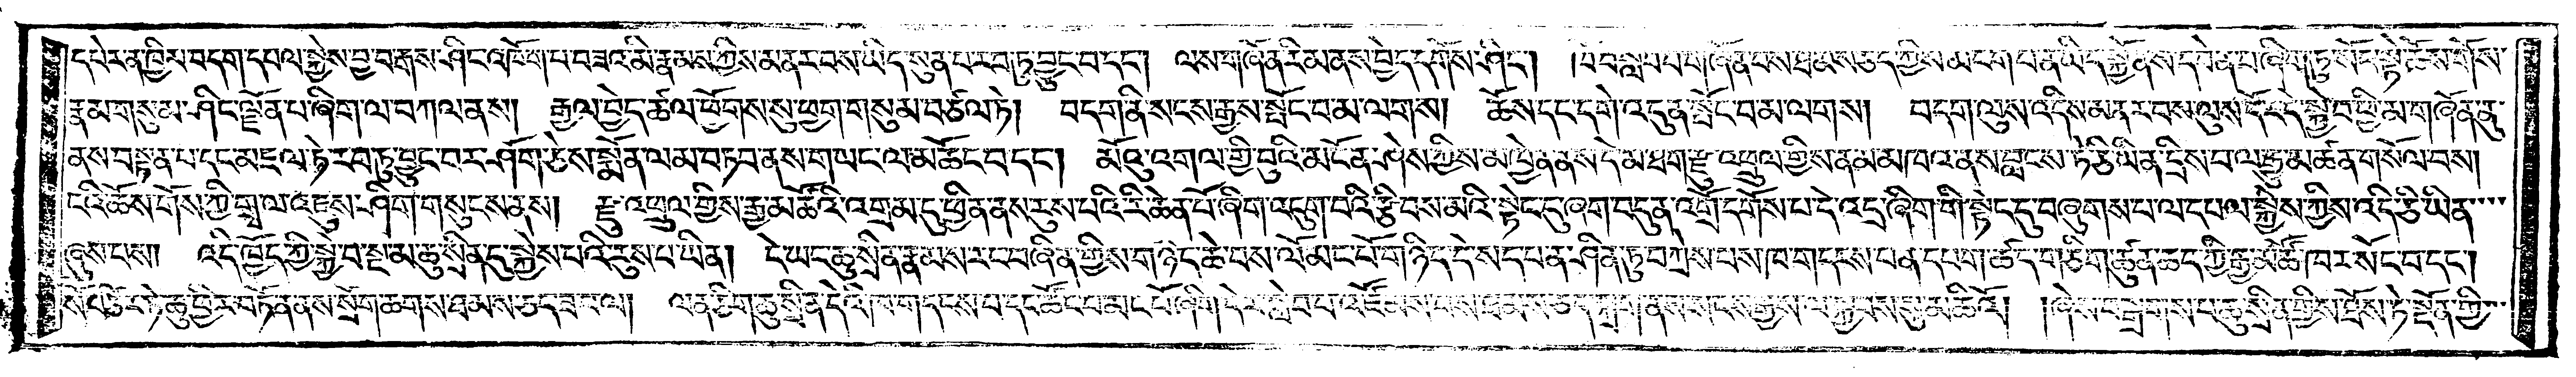དཔེར་ན་ཁྱིམ་བདག་དཔལ་སྐྱེས་བྱ་བརྒས་ཤིང་འཁོག་པ་བཟའ་མི་རྣམས་ཀྱིས་མནར་བས་ཡིད་སུན་བ་རབ་ཏུ་བྱུང་བ་དང་། ལས་གཞོན་རིམ་ནས་བྱེད་དགོས་ཤིང་། ཁོ་བསླབ་པ་གཞོན་པས་ཐམས་ཅད་ཀྱིས་མངག་པ་ན་ཡིད་སྐྱོ་ནས་དབེན་པ་ཞིག་ཏུ་སོང་སྟེ་ཆོས་གོས་
རྣམ་གསུམ་ཤིང་ལྗོན་པ་ཞིག་ལ་བཀལ་ནས། རྒྱལ་བྱེད་ཚལ་ཕྱོགས་སུ་ཕྱག་གསུམ་བཙལ་ཏེ། བདག་ནི་སངས་རྒྱས་སྤོང་བ་མ་ལགས། ཆོས་དང་དགེ་འདུན་སྤོང་བ་མ་ལགས། བདག་ལུས་འདིས་མནར་བས་ལུས་དོར་དེ་སྐྱེ་བ་ཕྱི་མ་གཞོན་ནུ་
ནས་བསྟན་པ་དང་མཇལ་ཏེ་རབ་ཏུ་བྱུང་བར་ཤོག་ཅེས་སྨོན་ལམ་བཏབ་ནས་གཡང་ལམ་ཚོང་བ་དང་། མོའུ་འགལ་གྱི་བུའི་མངོན་ཤེས་ཀྱིས་མཁྱེན་ནས་དེ་མཐག་རྫུ་འཕྲུལ་གྱིས་ནམ་མཁའ་ནས་བླངས་ཏེ་ཅི་ཡིན་དྲིས་པ་ལ་རྒྱུ་མཚན་གསོལ་བས།
ངའི་ཆོས་གོས་ཀྱི་གྲྭ་ལ་འཇུས་ཤིག་གསུངས་ནས། རྫུ་འཕྲུལ་གྱིས་རྒྱ་མཚོའི་འགྲམ་དུ་ཕྱིན་ནས་རུས་པའི་རི་ཆེན་པོ་ཞིག་འདུག་བའི་རྩིབས་མའི་སྟེང་དུ་ཞག་བདུན་འགྲོ་དགོས་པ་དེ་འདྲ་ཞིག་གི་སྟེང་དུ་བཞུགས་པ་ལ་དཔལ་སྐྱེས་ཀྱིས་འདི་ཅི་ཡིན་
ཞུས་པས། འདི་ཁྱོད་ཀྱི་སྐྱེ་བ་སྔ་མ་ཆུ་སྲིན་དུ་སྐྱེས་པའི་རུས་པ་ཡིན། དེ་ཡང་ཆུ་སྲིན་རྣམས་རང་བཞིན་གྱིས་གཉིད་ཆེ་བས་ལོ་མང་པོ་གཉིད་དེ་སད་པ་ན་ཤིན་ཏུ་བཀྲེས་པས་ཁ་གདངས་པ་ན་དཔག་ཚད་གཅིག་ཚུན་ཆད་ཀྱི་རྒྱ་མཚོ་ཁར་སོང་བ་དང་།
སོ་བཙིར་ཏེ་ཆུ་ཕྱིར་བཏོན་ནས་སྲོག་ཆགས་ཐམས་ཅད་ཟ་བ་ལ། ལན་ཅིག་ཆུ་སྲིན་དེའི་ཁ་གདངས་བ་དང་ཚོངས་པ་མང་པོ་ཞིག་དེར་སླེབ་པ་འཛོམས་པས་ཐམས་ཅད་སྐྲག་ནས་སངས་རྒྱས་ལ་སྐྱབས་སུ་མཆིའོ། །ཞེས་བསྒྲགས་པ་ཆུ་སྲིན་གྱིས་ཐོས་ཏེ་སྔོན་གྱི་